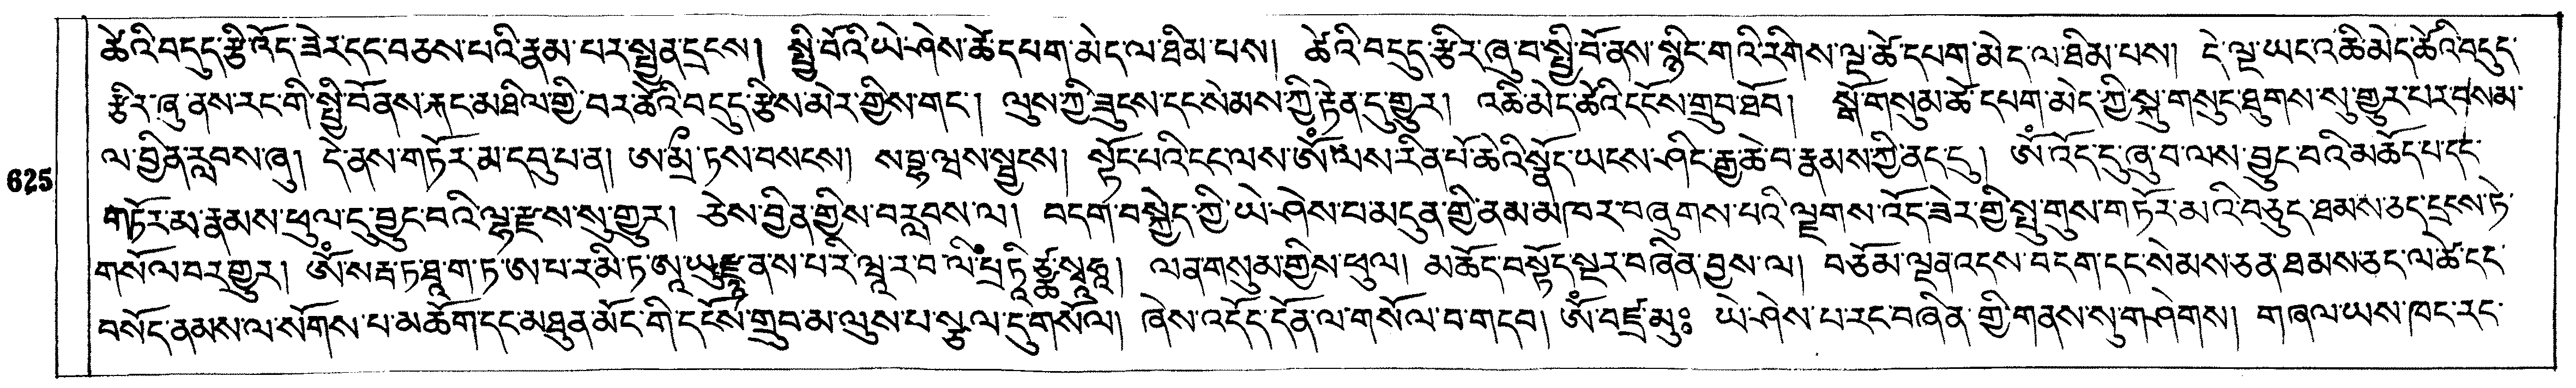ཚེའི་བདུད་རྩི་འོད་ཟེར་དང་བཅས་པའི་རྣམ་པར་སྤྱན་དྲངས། སྤྱི་བོའི་ཡེ་ཤེས་ཚེ་དཔག་མེད་ལ་ཐིམ་པས། ཚེའི་བདུད་རྩིར་ཞུ་བ་སྤྱི་བོ་ནས་སྙིང་གའི་རིགས་ལྔ་ཚེ་དཔག་མེད་ལ་ཐིམ་པས། དེ་ལྔ་ཡང་འཆི་མེད་ཚེའི་བདུད་
རྩིར་ཞུ་ནས་རང་གི་སྤྱི་བོ་ནས་རྐང་མཐིལ་གྱི་བར་ཚེའི་བདུད་རྩིས་མེར་གྱིས་གང་། ལུས་ཀྱི་ཟུངས་དང་སེམས་ཀྱི་རྟེན་དུ་གྱུར། འཆི་མེད་ཚེའི་དངོས་གྲུབ་ཐོབ། སྒོ་གསུམ་ཚེ་དཔག་མེད་ཀྱི་སྐུ་གསུང་ཐུགས་སུ་གྱུར་པར་བསམ་
ལ་བྱིན་རླབས་ཞུ། དེ་ནས་གཏོར་མ་དབུ་པ་ན། ཨ་མྲྀ་ཏས་བསངས། ས་བྷ་ཝས་སྦྱངས། སྟོང་པའི་ངང་ལས་ཨོཾ་ལས་རིན་པོ་ཆེའི་སྣོད་ཡངས་ཤིང་རྒྱ་ཆེ་བ་རྣམས་ཀྱི་ནང་དུ། ཨོཾ་འོད་དུ་ཞུ་བ་ལས་བྱུང་བའི་མཆོད་པ་དང་
གཏོར་མ་རྣམས་ཕུལ་དུ་བྱུང་བའི་ལྷ་རྫས་སུ་གྱུར། ཅེས་བྱིན་གྱིས་བརླབས་ལ། བདག་བསྐྱེད་ཀྱི་ཡེ་ཤེས་པ་མདུན་གྱི་ནམ་མཁར་བཞུགས་པའི་ལྗགས་འོད་ཟེར་གྱི་སྤུ་གུས་གཏོར་མའི་བཅུད་ཐམས་ཅད་དྲངས་ཏེ་
གསོལ་བར་གྱུར། ཨོཾ་སརྦ་ཏ་ཐཱ་ག་ཏ་ཨ་པ་ར་མི་ཏ་ཨཱ་ཡུརྫྙ་ན་ས་པ་རི་ཝཱ་ར་བ་ལིཾ་པྲཏཱི་ཙྪ་སྭཱཧཱ། ལན་གསུམ་གྱིས་ཕུལ། མཆོད་བསྟོད་སྔར་བཞིན་བྱས་ལ། བཅོམ་ལྡན་འདས་བདག་དང་སེམས་ཅན་ཐམས་ཅད་ལ་ཚེ་དང་
བསོད་ནམས་ལ་སོགས་པ་མཆོག་དང་མཐུན་མོང་གི་དངོས་གྲུབ་མ་ལུས་པ་སྩལ་དུ་གསོལ། ཞེས་འདོད་དོན་ལ་གསོལ་བ་གདབ། ཨོཾ་བཛྲ་མུཿ ཡེ་ཤེས་པ་རང་བཞིན་གྱི་གནས་སུ་གཤེགས། གཞལ་ཡས་ཁང་རང་